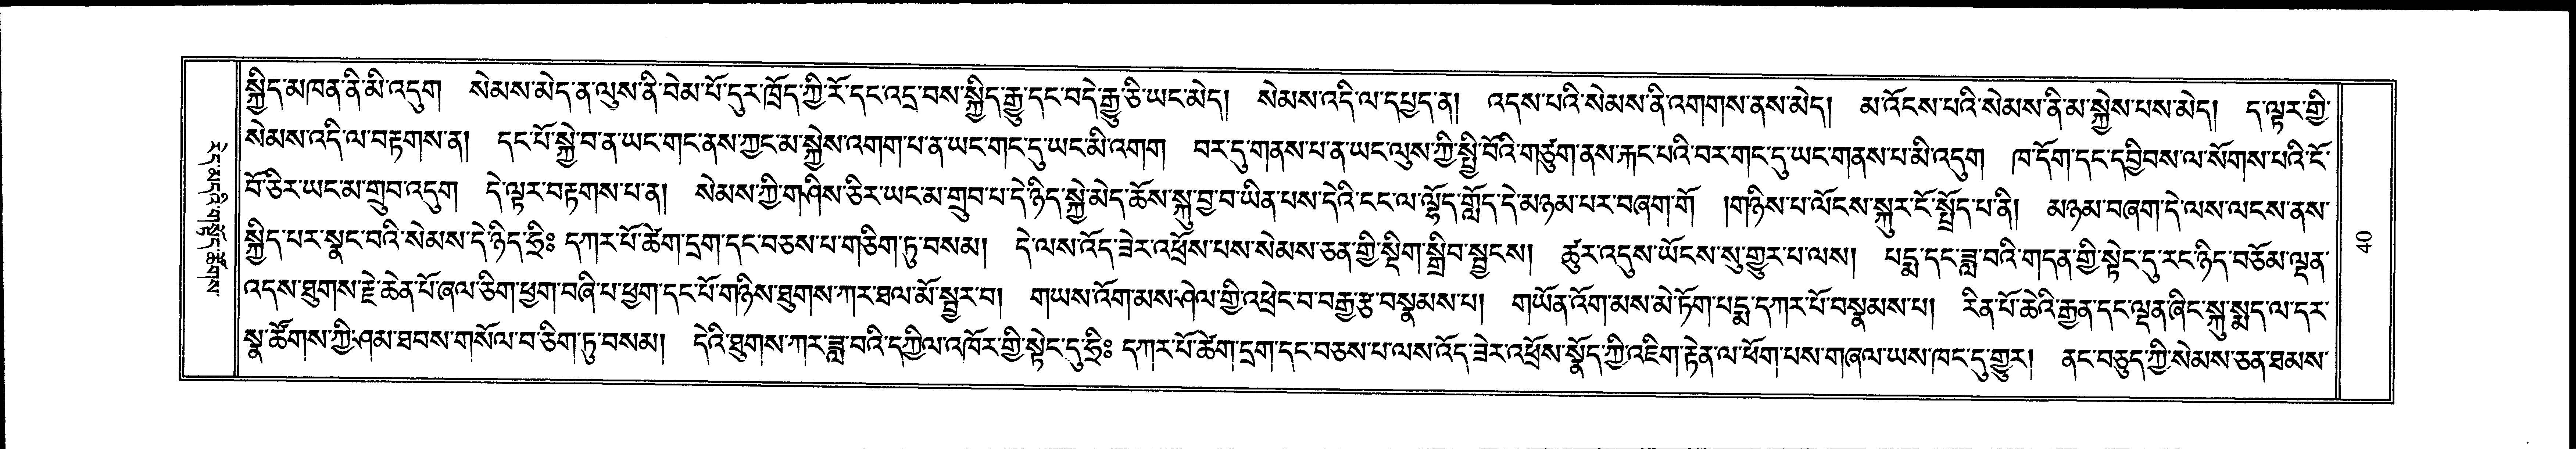སྐྱིད་མཁན་ནི་མི་འདུག་སེམས་མེད་ན་ལུས་ནི་བེམ་པོ་དུར་ཁྲོད་ཀྱི་རོ་དང་འདྲ་བས་སྐྱིད་རྒྱུ་དང་བདེ་རྒྱུ་ཅི་ཡང་མེད། སེམས་འདི་ལ་དཔྱད་ན། འདས་པའི་སེམས་ནི་འགགས་ནས་མེད། མ་འོངས་པའི་སེམས་ནི་མ་སྐྱེས་པ་མེད། ད་ལྟར་གྱི་
སེམས་འདི་ལ་བརྟགས་ན། དང་པོ་སྐྱེ་བ་ན་ཡང་གང་ནས་ཀྱང་མ་སྐྱེས་འགག་པ་ན་ཡང་གང་དུ་ཡང་མི་འགག་བར་དུ་གནས་པ་ན་ཡང་ལུས་ཀྱི་སྤྱི་བོའི་གཙུག་ནས་རྐང་པའི་བར་གང་དུ་ཡང་གནས་པ་མི་འདུག་ཁ་དོག་དང་དབྱིབས་ལ་སོགས་པའི་ངོ་
བོ་ཅིར་ཡང་མ་གྲུབ་འདུག་དེ་ལྟར་བརྟགས་པ་ན། སེམས་ཀྱི་གཤིས་ཅིར་ཡང་མ་གྲུབ་པ་དེ་ཉིད་སྐྱེ་མེད་ཆོས་སྐུ་བྱ་བ་ཡིན་པས་དེའི་ངང་ལ་ལྷོད་གློད་དེ་མཉམ་པར་བཞག་གོ །གཉིས་པ་ལོངས་སྐུར་ངོ་སྤྲོད་པ་ནི། མཉམ་བཞག་དེ་ལས་ལངས་ནས་
སྐྱིད་པར་སྣང་བའི་སེམས་དེ་ཉིད་ཧྲིཿ དཀར་པོ་ཚེག་དྲག་དང་བཅས་པ་གཅིག་ཏུ་བསམ། དེ་ལས་འོད་ཟེར་འཕྲོས་པས་སེམས་ཅན་གྱི་སྡིག་སྒྲིབ་སྦྱངས། ཚུར་འདུས་ཡོངས་སུ་གྱུར་པ་ལས། པདམ་དང་ཟླ་བའི་གདན་གྱི་སྟེང་དུ་རང་ཉིད་བཅོམ་ལྡན་
འདས་ཐུགས་རྗེ་ཆེན་པོ་ཞལ་ཅིག་ཕྱག་བཞི་པ་ཕྱག་དང་པོ་གཉིས་ཐུགས་ཀར་ཐལ་མོ་སྦྱར་བ། གཡས་འོག་མས་ཤེལ་གྱི་འཕྲེང་བ་བརྒྱ་རྩ་བསྣམས་པ། གཡོན་འོག་མས་མེ་ཏོག་པདམ་དཀར་པོ་བསྣམས་པ། རིན་པོ་ཆེའི་རྒྱན་དང་ལྡན་ཞིང་སྐུ་སྨད་ལ་དར་
སྣ་ཚོགས་ཀྱི་ཤམ་ཐབས་གསོལ་བ་ཅིག་ཏུ་བསམ། དེའི་ཐུགས་ཀར་ཟླ་བའི་དཀྱིལ་འཁོར་གྱི་སྟེང་དུ་ཧྲིཿ དཀར་པོ་ཚེག་དྲག་དང་བཅས་པ་ལས་འོད་ཟེར་འཕྲོས་སྣོད་ཀྱི་འཇིག་རྟེན་ལ་ཕོག་པས་གཞལ་ཡས་ཁང་དུ་གྱུར། ནང་བཅུད་ཀྱི་སེམས་ཅན་ཐམས་